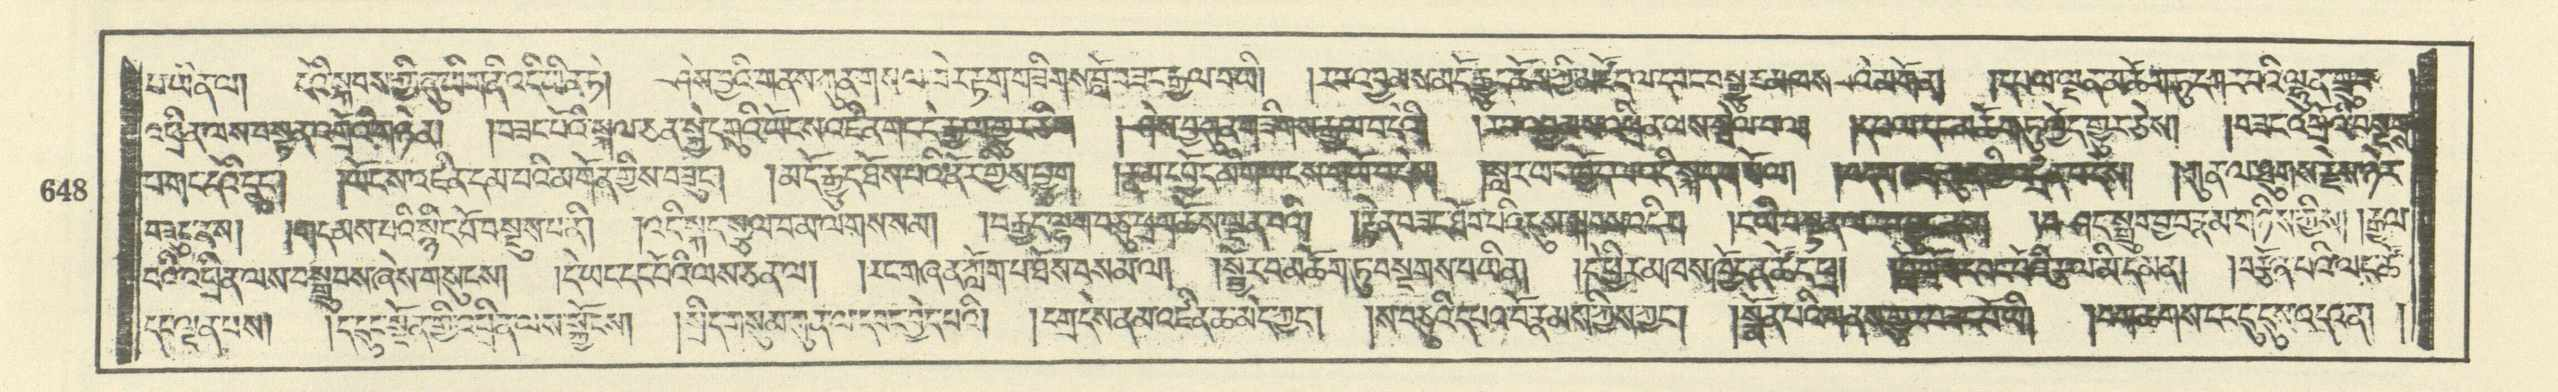པ་ཡིན་ལ། དེའི་སྐབས་ཀྱི་ཞུ་ཡིག་ནི་འདི་ཡིན་ཏེ། ཤེས་བྱའི་གནས་ཀུན་གསལ་ལེར་རྟག་གཟིགས་བློ་བཟང་རྒྱལ་བ་ཡི། །རབ་འབྱམས་མདོ་རྒྱུད་ཆོས་ཀྱི་མཛོད་ལ་དབང་བསྒྱུར་མཁས་པའི་མགོན། །དཔལ་ལྡན་མཆོག་ཏུ་དཀར་བའི་ལྷུན་གྲུབ་
འཕྲིན་ལས་བསྟན་འགྲོའི་གཉེན། །བཟང་པོའི་སྐལ་ཅན་སྐྱེ་དགུའི་ཡོངས་འཛིན་གང་དེ་རྒྱལ་གྱུར་ཅིག །ཤེས་བྱ་ཀུན་གཟིགས་རྒྱལ་བ་དེའི། །རབ་འབྱམས་འཕྲིན་ལས་སྤེལ་བ་ལ། །དཔལ་དང་མཆོག་ཏུ་ཁྱོད་གྱུར་ཅེས། །བཟང་འགྲོའི་བསྔགས་
པ་གང་དེའི་དྲུང་། །ཡོངས་འཛིན་དམ་པའི་མགོན་གྱིས་བཟུང་། །མདོ་རྒྱུད་ཐོས་པའི་ནོར་གྱིས་ཕྱུག །རྣམ་དཔྱོད་མིག་ཡངས་གཡོ་བ་དེས། །སླར་ཡང་ཁྱོད་ལ་འདི་སྐད་གསོལ། །བདག་ཅག་ཀུན་གྱི་འདྲེན་པ་དེས། །ཀུན་ལ་ཐུགས་རྗེས་ཉེར་
བཟུང་ནས། །གདམས་པའི་སྙིང་པོ་བསྡུས་པ་ནི། །འདི་སྐད་སྩལ་བ་མ་ལགས་སམ། །བརྒྱད་ལྷག་བཅུ་ཕྲག་ཆོས་ལྡན་པའི། །རྟེན་བཟང་ཐོབ་པའི་དུས་སྐབས་འདིར། །ང་ཡི་བསྟན་ལ་རབ་བྱུང་ནས། །བཤད་སྒྲུབ་བྱ་བ་རྣམ་གཉིས་ཀྱིས། །རྒྱལ་
བའི་འཕྲིན་ལས་བསྒྲུབས་ཞེས་གསུངས། །དེ་ཡང་དང་པོའི་ལས་ཅན་ལ། །རང་གཞན་ཀློག་པ་ཐོས་བསམ་ལ། །སྦྱོར་བ་མཆོག་ཏུ་བསྔགས་པ་ཡིན། །དེ་ཕྱིར་མཁས་ཁྱོད་ན་ཚོང་ཕྲ། །བློ་གྲོས་དབང་པོའི་རྩལ་མི་དམན། །བརྩོན་པའི་ལང་ཚོ་
དང་ལྡན་པས། །ད་དུང་སྔོན་གྱི་འཕྲིན་ལས་སྐྱོངས། །སྲིད་གསུམ་ཀུན་ལ་དབང་བྱེད་པའི། །དགྲ་དེས་ནམ་འཛིན་ཆ་མེད་ཀྱང་། །ས་བཅུའི་དཔའ་བོ་རྣམས་ཀྱིས་ཀྱང་། །སྨོན་པའི་གནས་གྱུར་བཟང་པོ་ཡི། །བག་ཆགས་ངང་དུ་དུས་འདའ་ན། །